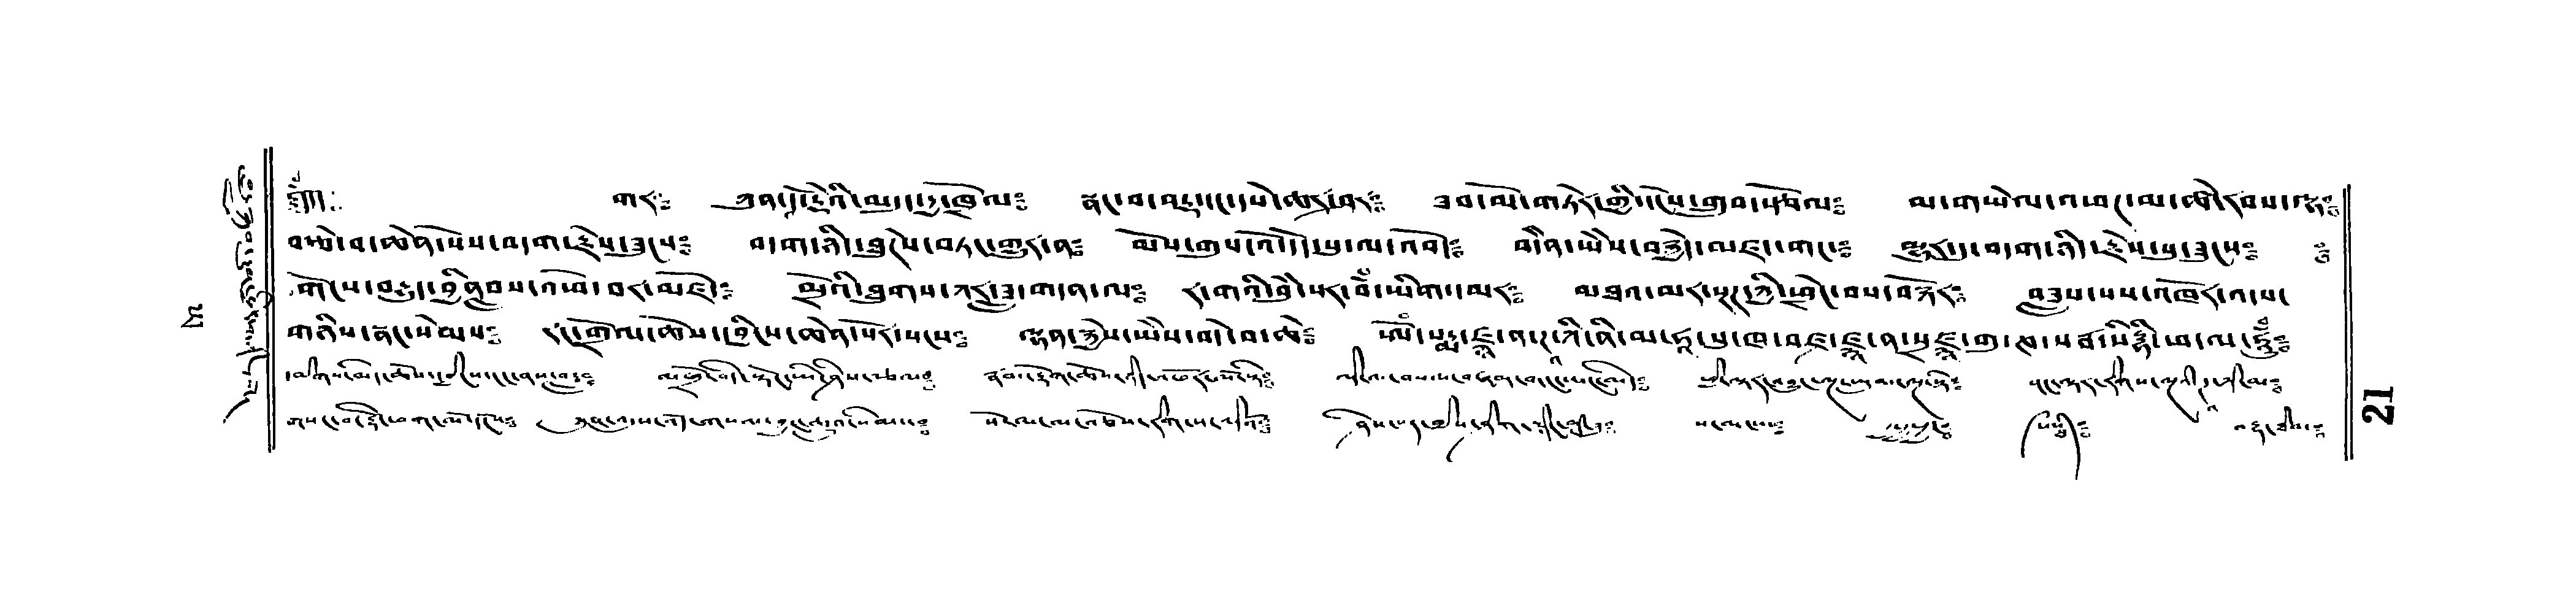གར༔ ཀུན་དཱ་རྡོ་རྗེའི་མདུད་རྒྱ་ཁྲོལ༔ སྣང་བ་བརྡ་དང་དཔེ་ཆར་ཤར༔ ཟབ་མོ་གཏེར་གྱི་དངོས་གྲུབ་སྩོལ༔ མ་གཡེལ་འཕགས་མ་ཚེ་རབས་ལྷ༔ 
བརྩེ་བ་ཆེན་པོས་བདག་རྗེས་ཟུངས༔ བདག་ཉིད་ཐུགས་རྗེས་བཏང་གྱུར་ན༔ མོས་གུས་འོ་དོད་སུ་ལ་འབོད༔ བདེ་ཆེན་ཡེ་ཤེས་བསྐྱེད་མཛད་གང༔ མྱུར་དུ་བདག་ཉིད་རྗེས་སུ་ཟུངས༔ 
དགོངས་བརྒྱུད་བྱིན་རླབས་འཕོ་བར་མཛོད༔ མཁའ་འགྲོའི་ཐུགས་ཀར་ཟླ་གདན་ལ༔ ར་གའི་བུམ་པར་བྃ་ཡིག་དམར༔ མཐའ་མར་སྔགས་ཀྱི་ཕྲེང་བས་བསྐོར༔ བཟླས་པས་འཁོར་འདས་
གཉིས་སྣང་སེམས༔ རང་གྲོལ་ཆོས་དབྱིངས་ཆེན་པོར་སངས༔ ལྷན་སྐྱེས་ཡེ་ཤེས་བདེ་བ་ཆེ༔ ཨོཾ་པདྨ་ཛྙཱ་ན་ཌཱ་ཀི་ནི་མ་ཧཱ་སུ་ཁ་བཛྲ་ཛྙཱ་ན་པྲཛྙཱ་གུ་ཎ་སརྦ་སིདྡྷི་ཕ་ལ་ཧཱུྃ༔ 
དམིགས་མེད་ཆོས་དབྱིངས་ངང་ནས་བཟླ༔ མཁའ་འགྲོ་བདེ་སྟོང་ཡེ་ཤེས་རྩལ༔ རྣམ་རྟོག་ཆོས་ཉིད་འཁོར་ལོ་སྟེ༔ འདི་ལ་བསལ་བཞག་གང་ཡང་མེད༔ ཕྱི་ལྟར་འབྱུང་ལྔ་ཡུམ་ལྔ་སྟེ༔ ནང་ལྟར་རིགས་ལྔའི་ཌཱ་ཀི་མ༔ 
གསང་བ་རྡོ་རྗེ་ཕག་མོ་དངོས༔ ཀུན་འདུས་འོད་གསལ་བྱང་ཆུབ་སེམས༔ སོ་མ་མ་བཅོས་རིག་པ་འདིའོ༔ ཤེས་པར་གྱིས་ཤིག་སྙིང་གི་བུ༔ ས་མ་ཡ༔ རྒྱ་རྒྱ་རྒྱ༔ ༔ བརྡ་ཐིམ༔